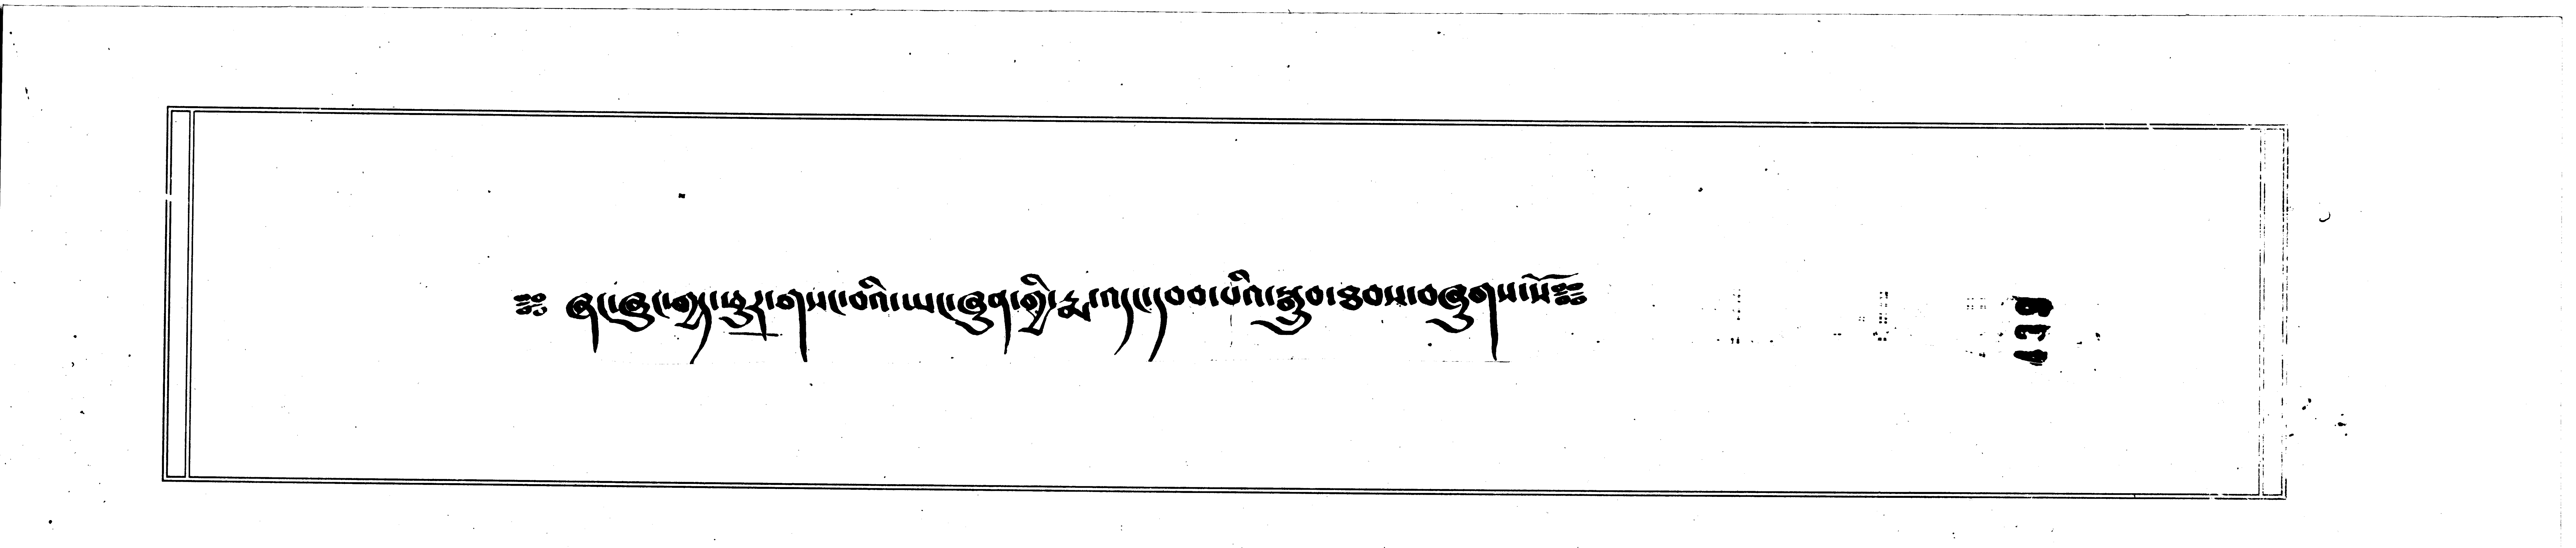༔༔ཞང་ཞུང་གྱད་ཕུར་གསང་བའི་ཡང་ཞུན་གྱི་རྨ་འདང་དབབ་པའི་སྒྲུབ་ཐབས་བཞུགས་སོ༔༔